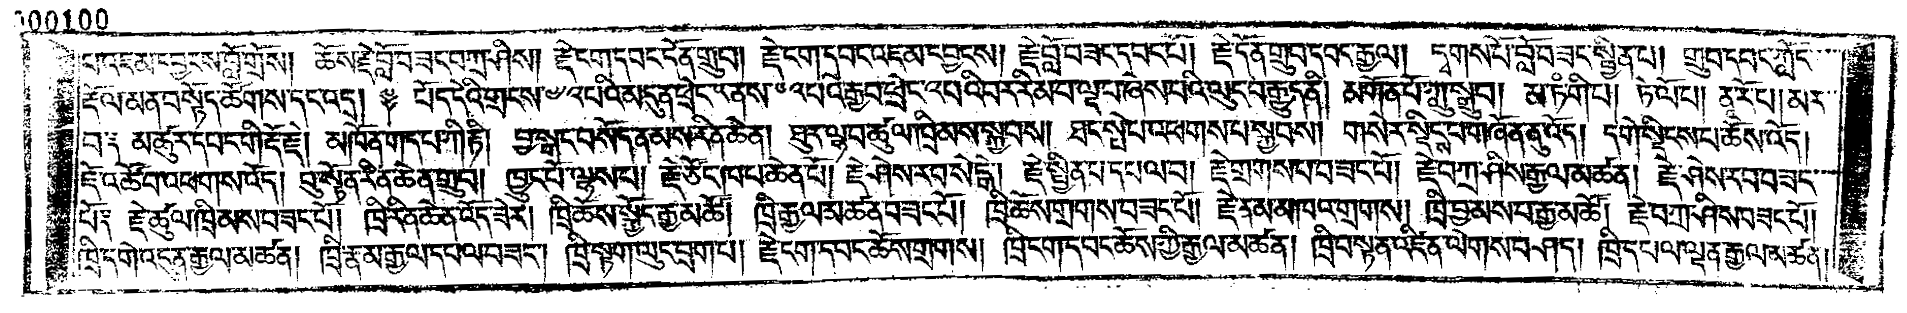པ་འཇམ་དབྱངས་བློ་གྲོས། ཆོས་རྗེ་བློ་བཟང་བཀྲ་ཤིས། རྗེ་ངག་དབང་དོན་གྲུབ། རྗེ་ངག་དབང་འཇམ་དབྱངས། རྗེ་བློ་བཟང་དབང་པོ། རྗེ་དོན་གྲུབ་དབང་རྒྱལ། དྭགས་པོ་བློ་བཟང་སྦྱིན་པ། གྲུབ་དབང་ཀློང་
རྡོལ་མན་བསྟོད་ཚོགས་དང་འདྲ། ༈ པོད་དེའི་གྲངས ༤༢་པའི་མདུན་ཕྲེང ༥་ནས ༦༢་པའི་རྒྱབ་ཕྲེང ༢་པའི་བར་རིམ་པ་ལྔ་པ་ཞེས་པའི་ལུང་བརྒྱུད་ནི། མགོན་པོ་ཀླུ་སྒྲུབ། མ་ཏཾ་གི་པ། ཏེ་ལོ་པ། ནཱ་རོ་པ། མར་
བ༑ མཚུར་དབང་གི་རྡོ་རྗེ། མཁོན་གད་པ་ཀིརྟི། བྱ་སྒང་བསོད་ནམས་རིན་ཆེན། ཐུར་ལྷ་བ་ཚུལ་ཁྲིམས་སྐྱབས། ཐང་སྤེ་པ་འཕགས་པ་སྐྱབས། གསེར་སྡིངས་པ་གཞོན་ནུ་འོད། དགེ་སྡིགས་པ་ཆོས་འོད།
ཇོ་འཚོ་བ་འཕགས་འོད། བུ་སྟོན་རིན་ཆེན་གྲུབ། ཁྱུང་པོ་ལྷས་པ། རྗེ་ཙོང་ཁ་པ་ཆེན་པོ། རྗེ་ཤེས་རབ་སེངྒེ། རྗེ་སྤྱིན་པ་དཔལ་བ། རྗེ་གྲགས་པ་བཟང་པོ། རྗེ་བཀྲ་ཤིས་རྒྱལ་མཚན། རྗེ་ཤེས་རབ་བཟང་
པོ༑ རྗེ་ཚུལ་ཁྲིམས་བཟང་པོ། ཁྲི་རིན་ཆེན་འོད་ཟེར། ཁྲི་ཆོས་སྐྱོང་རྒྱ་མཚོ། ཁྲི་རྒྱལ་མཚན་བཟང་པོ། ཁྲི་ཆོས་གྲགས་བཟང་པོ། རྗེ་ནམ་མཁའ་གྲགས། ཁྲི་བྱམས་པ་རྒྱ་མཚོ། རྗེ་བཀྲ་ཤིས་བཟང་པོ།
ཁྲི་དགེ་འདུན་རྒྱལ་མཚན། ཁྲི་རྣམ་རྒྱལ་དཔལ་བཟང་། ཁྲི་སྟག་ལུང་བྲག་པ། རྗེ་ངག་དབང་ཆོས་གྲགས། ཁྲི་ངག་དབང་ཆོས་ཀྱི་རྒྱལ་མཚན། ཁྲི་བསྟན་འཛིན་ལེགས་བཤད། ཁྲི་དཔལ་ལྡན་རྒྱལ་མཚན།